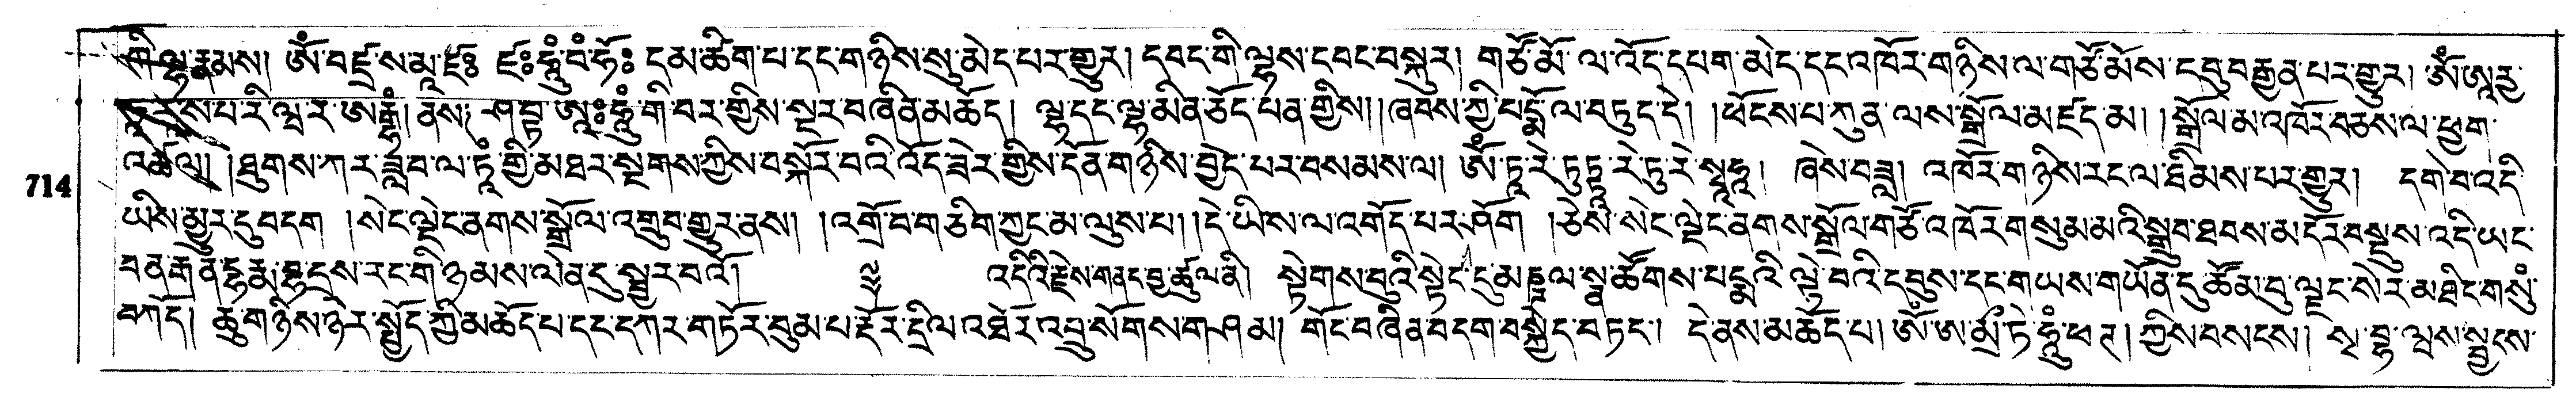གི་ལྷ་རྣམས། ཨོཾ་བཛྲ་ས་མཱ་ཛཿ ཛཿ ཧཱུཾ་བཾ་ཧོཿ དམ་ཚིག་པ་དང་གཉིས་སུ་མེད་པར་གྱུར། དབང་གི་ལྷས་དབང་བསྐུར། གཙོ་མོ་ལ་འོད་དཔག་མེད་དང་འཁོར་གཉིས་ལ་གཙོ་མོས་དབུ་བརྒྱན་པར་གྱུར། ཨོཾ་ཨཱརྱ་
ཏཱ་རཱ་ས་པ་རི་ཝ་ར་ཨརྒྷཾ། ནས༑ ཤཔྟ་ཨཱཿ ཧཱུཾ་གི་བར་གྱིས་སྔར་བཞིན་མཆོད། ལྷ་དང་ལྷ་མིན་ཅོད་པན་གྱིས། །ཞབས་ཀྱི་པདམོ་ལ་བཏུད་དེ། །ཕོངས་པ་ཀུན་ལས་སྒྲོལ་མཛད་མ། །སྒྲོལ་མ་འཁོར་བཅས་ལ་ཕྱག་
འཚལ། །ཐུགས་ཀར་ཟླ་བ་ལ་ཏཱཾ་གྱི་མཐར་སྔགས་ཀྱིས་བསྐོར་བའི་འོད་ཟེར་གྱིས་དོན་གཉིས་བྱེད་པར་བསམས་ལ། ཨོཾ་ཏཱ་རེ་ཏུ་ཏྟཱ་རེ་ཏུ་རེ་སྭཱཧཱ། ཞེས་བཟླ། འཁོར་གཉིས་རང་ལ་ཐིམས་པར་གྱུར། དགེ་བ་འདི་
ཡིས་མྱུར་དུ་བདག །སེང་ལྡེང་ནགས་སྒྲོལ་འགྲུབ་གྱུར་ནས། །འགྲོ་བ་གཅིག་ཀྱང་མ་ལུས་པ། །དེ་ཡིས་ལ་འགོད་པར་ཤོག །ཅེས་སེང་ལྡེང་ནགས་སྒྲོལ་གཙོ་འཁོར་གསུམ་མའི་སྒྲུབ་ཐབས་མདོར་བསྡུས་འདི་ཡང་
བན་རྒན་དྷརྨ་བྷ་དྲས་རང་གི་ཉམས་ལེན་དུ་སྦྱར་བའོ། ༈ འདིའི་རྗེས་གནང་བྱ་ཚུལ་ནི། སྟེགས་བུའི་སྟེང་དུ་མཎྜལ་སྣ་ཚོགས་པདམའི་ལྟེ་བའི་དབུས་དང་གཡས་གཡོན་དུ་ཚོམ་བུ་ལྗང་སེར་མཐིང་གསུཾ་
བཀོད། ཆུ་གཉིས་ཉེར་སྤྱོད་ཀྱི་མཆོད་པ་དང་དཀར་གཏོར་བུམ་པ་རྡོར་དྲིལ་འཐོར་འབྲུ་སོགས་གཤམ། གོང་བཞིན་བདག་བསྐྱེད་བཏང་། དེ་ནས་མཆོད་པ། ཨོཾ་ཨ་མྲྀ་ཏེ་ཧཱུཾ་ཕཊ། ཀྱིས་བསངས། སྭ་བྷ་ཝས་སྦྱངས་